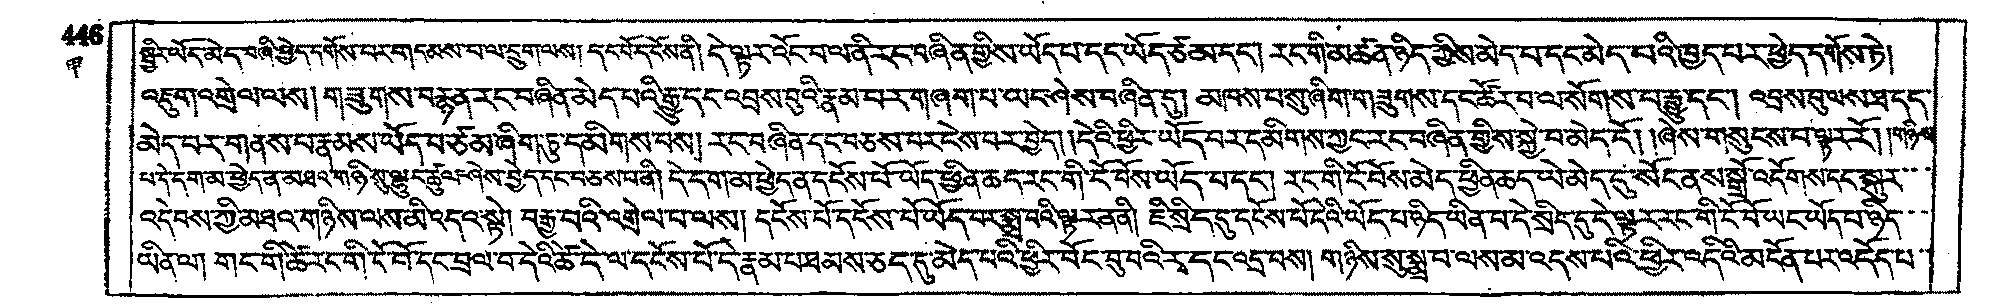སྤྱིར་ཡོད་མེད་བཞི་ཕྱེད་དགོས་པར་གདམས་པ་ལ་དྲུག་ལས། དང་པོ་དངོས་ནི། དེ་ལྟར་འོང་བ་ལ་ནི་རང་བཞིན་གྱིས་ཡོད་པ་དང་ཡོད་ཙམ་དང་། རང་གི་མཚན་ཉིད་ཀྱིས་མེད་པ་དང་མེད་པའི་ཁྱད་པར་ཕྱེད་དགོས་ཏེ།
འཇུག་འགྲེལ་ལས། གཟུགས་བརྙན་རང་བཞིན་མེད་པའི་རྒྱུ་དང་འབྲས་བུའི་རྣམ་པར་གཞག་པ་ཡང་ཤེས་བཞིན་དུ། མཁས་པ་སུ་ཞིག་གཟུགས་དང་ཚོར་བ་ལ་སོགས་པ་རྒྱུ་དང་། འབྲས་བུ་ལས་ཐ་དད་
མེད་པར་གནས་པ་རྣམས་ཡོད་པ་ཙམ་ཞིག་ཏུ་དམིགས་པས། རང་བཞིན་དང་བཅས་པར་ངེས་པར་བྱེད། །དེའི་ཕྱིར་ཡོད་པར་དམིགས་ཀྱང་རང་བཞིན་གྱིས་སྐྱེ་བ་མེད་དོ། །ཞེས་གསུངས་པ་ལྟར་རོ། །གཉིས་
པ་དེ་དག་མ་ཕྱེད་ན་མཐའ་གཉིས་སུ་ལྷུང་ཚུལ་ཤེས་བྱེད་དང་བཅས་པ་ནི། དེ་དག་མ་ཕྱེད་ན་དངོས་པོ་ཡོད་ཕྱིན་ཆད་རང་གི་ངོ་བོས་ཡོད་པ་དང་། རང་གི་ངོ་བོས་མེད་ཕྱིན་ཆད་ཡེ་མེད་དུ་སོང་ནས་སྒྲོ་འདོགས་དང་སྐུར་
འདེབས་ཀྱི་མཐའ་གཉིས་ལས་མི་འདའ་སྟེ། བརྒྱ་བའི་འགྲེལ་པ་ལས། དངོས་པོ་དངོས་པོ་ཡོད་པར་སྨྲ་བའི་ལྟར་ན་ནི། ཇི་སྲིད་དུ་དངོས་པོ་དེའི་ཡོད་པ་ཉིད་ཡིན་པ་དེ་སྲིད་དུ་དེ་ལྟར་རང་གི་ངོ་བོ་ཡང་ཡོད་པ་ཉིད་
ཡིན་ལ། གང་གི་ཚེ་རང་གི་ངོ་བོ་དང་བྲལ་བ་དེའི་ཚེ་དེ་ལ་དངོས་པོ་དེ་རྣམ་པ་ཐམས་ཅད་དུ་མེད་པའི་ཕྱིར་བོང་བུ་བའི་རྭ་དང་འདྲ་བས། གཉིས་སུ་སྨྲ་བ་ལས་མ་འདས་པའི་ཕྱིར་འདིའི་མངོན་པར་འདོད་པ་